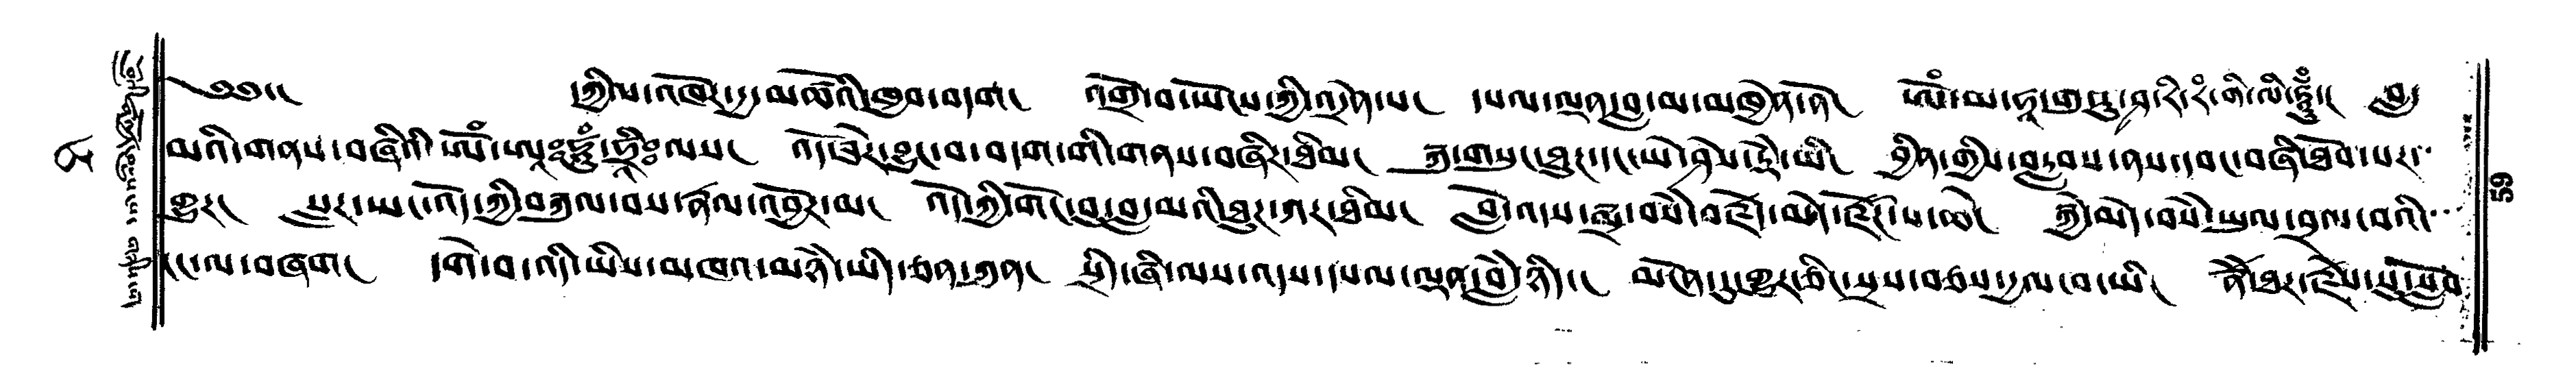།དཀྱིལ་འཁོར་རྒྱ་མཚོའི་ཁྱབ་བདག །འགྲོ་བ་ཡོངས་ཀྱི་འདྲེན་པ། །དཔལ་ལྡན་བླ་མ་མཁྱེན་ནོ། །ཨོཾ་མ་ཧཱ་གུ་རུ་ཤ་རི་རཾ་གི་ལི་ཧཱུྃཿ བླ་
མའི་གནས་བཞིའི་ཨོཾ་ཨཱཿཧཱུྃ་ཧྲཱིཿལས། །འོད་ཟེར་བྱུང་བ་བདག་གི་གནས་བཞིར་ཐིམ། །སྐུ་གསུང་ཐུགས་དང་ཡེ་ཤེས་རྡོ་རྗེ་ཡི། །བྱིན་གྱིས་བརླབས་ནས་དབང་བཞི་ཐོབ་པར་
གྱུར། །སླར་ཡང་འོད་ཀྱི་བསྐུལ་བས་རྣལ་འབྱོར་མ། །འོད་ཀྱི་གོང་བུ་བླ་མའི་ཐུགས་ཀར་ཐིམ། །བློ་འདས་སྨྲ་བསམ་བརྗོད་མེད་རྫོགས་པ་ཆེ། །སྐྱེ་མེད་བསམ་ཡུལ་བྲལ་བའི་
ངང་ལ་བཞག །དགེ་བ་འདི་ཡིས་མཁའ་མཉམ་ཡིད་ཅན་ཀུན། །སྲིད་ཞི་ལས་འདས་དཔལ་ལྡན་བླ་མ་ཉིད། །མངོན་དུ་གྱུར་ཅིང་སྲས་བཅས་རྒྱལ་བ་ཡི། །རྣམ་ཐར་རྗེས་སུ་བསླབས་